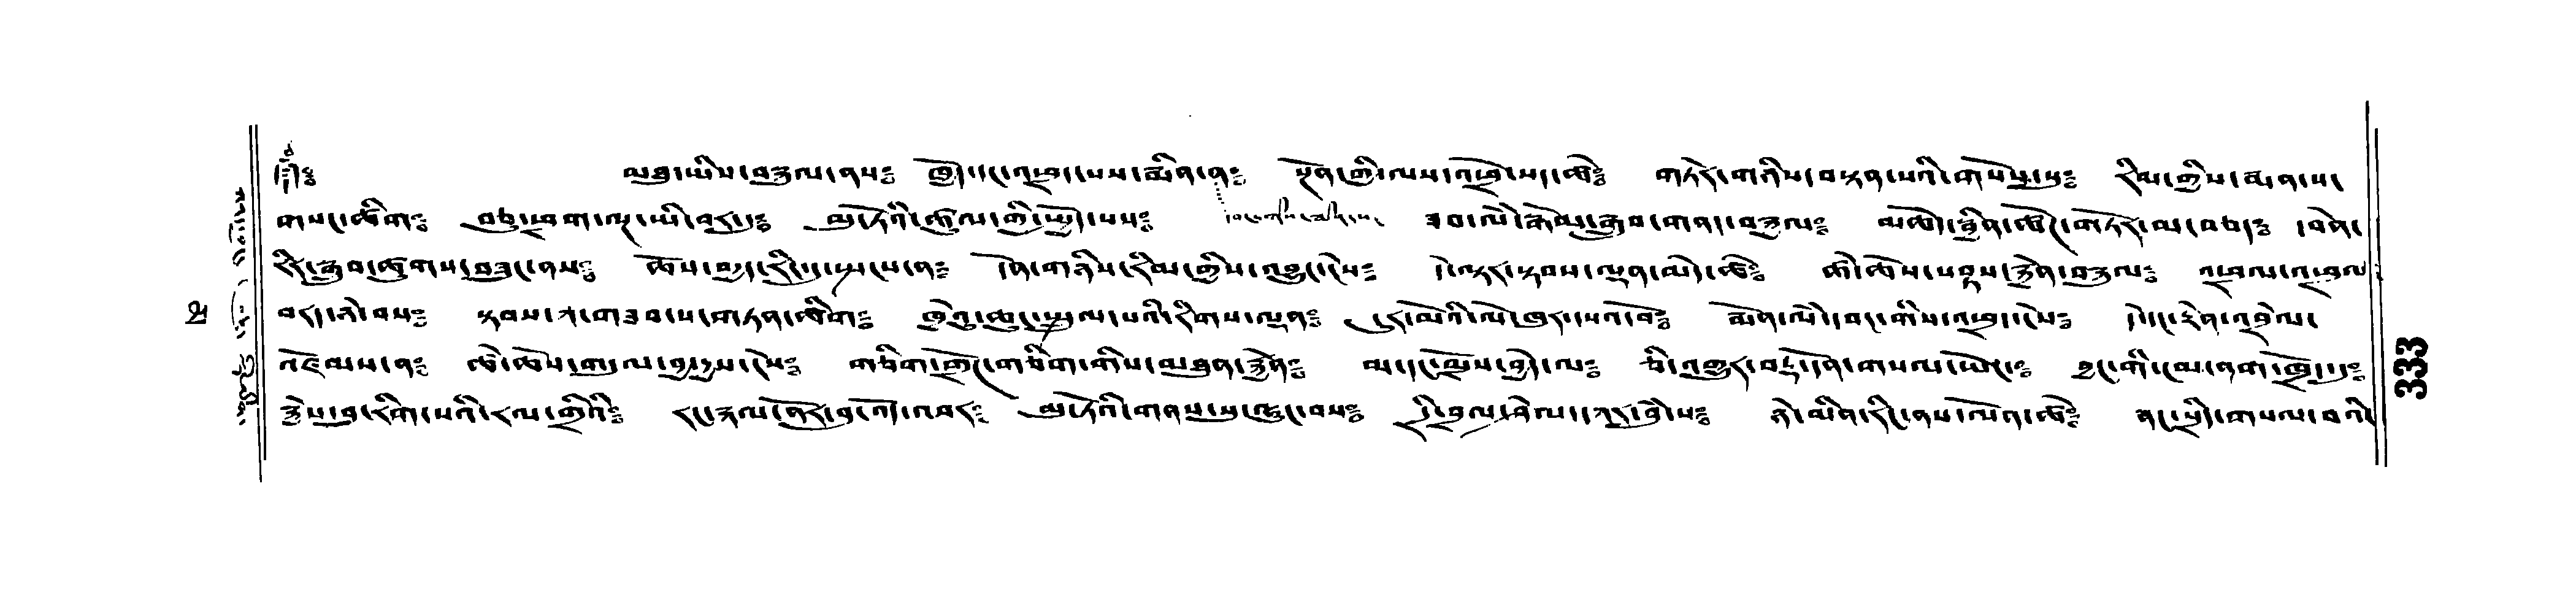མཐུ་ཡིས་བསྐུལ་ནས༔ ཁྱོད་དང་འཕྲད་པས་སྨིན་ན༔ སྔོན་གྱི་ལས་འཕྲོ་སད་ཚེ༔ གཏེར་གཉིས་བསྟན་པའི་གསོས་སུ༔ རིམ་གྱིས་སྨན་པ་
གསང་ཚིག༔ བཅུ་ཕྲག་ལྔ་ཡི་བར་དུ༔ མུ་ཏོའི་ཚུལ་གྱི་སྤྱོད་པས༔ ཟབ་ལམ་སྒོམ་སྒྲུབ་གནད་བསྐྱལ༔ མཆོད་སྦྱིན་ཚོགས་གཏོར་མ་བཅད༔ དབེན་
རིར་སྒྲུབ་ཚུགས་བཟུང་ནས༔ ཆོས་བརྒྱད་རིང་དུ་སྤངས་ན༔ དོན་གཉིས་རིམ་གྱིས་འབྱུང་ངེས༔ དེ་ལྟར་སྟབས་ལྡན་མེད་ཚེ༔ ཚེ་ཆོས་སབྟས་རྐྱེན་བསྐུལ༔ འཕྲལ་འཕྲལ་
བར་ཆད་ཉེ་བས༔ སྟབས་ཀ་གཟབ་པ་གཏན་ཚིག༔ ཁྱེའུ་ཆུང་སྤྲུལ་པའི་རིགས་ལྡན༔ ངུར་མོའི་ལོ་ཁུར་དཔའ་བོ༔ སྨོན་ལམ་དབང་གིས་འཕྲད་ངེས༔ དེ་དང་རྟེན་འབྲེལ་
འཛོམས་ན༔ ཚེ་ཆོས་གདུལ་བྱ་རྒྱས་ངེས༔ གཅིག་གྲོགས་གཅིག་གིས་མཐུན་རྐྱེན༔ མ་དང་མཁའ་འགྲོས་བྱེད་ལ༔ ཅི་འགྱུར་བརྡ་དོན་གསལ་ཡོང༔ བྱང་གི་ངམ་ནག་ཁྲོད་དུ༔ 
སྐྱེས་བུ་རིག་པའི་རལ་གྲིའི༔ རང་སྐལ་ནོར་བུ་འོད་འབར༔ མུ་ཏོའི་གནས་སུ་ལྷུང་བས༔ དྲི་བྲལ་ཤེལ་དཀར་བུམ་པ༔ ཉེ་མིན་རིང་ནས་ལོན་ཚེ༔སྣང་སྲིད་གསལ་བའི་